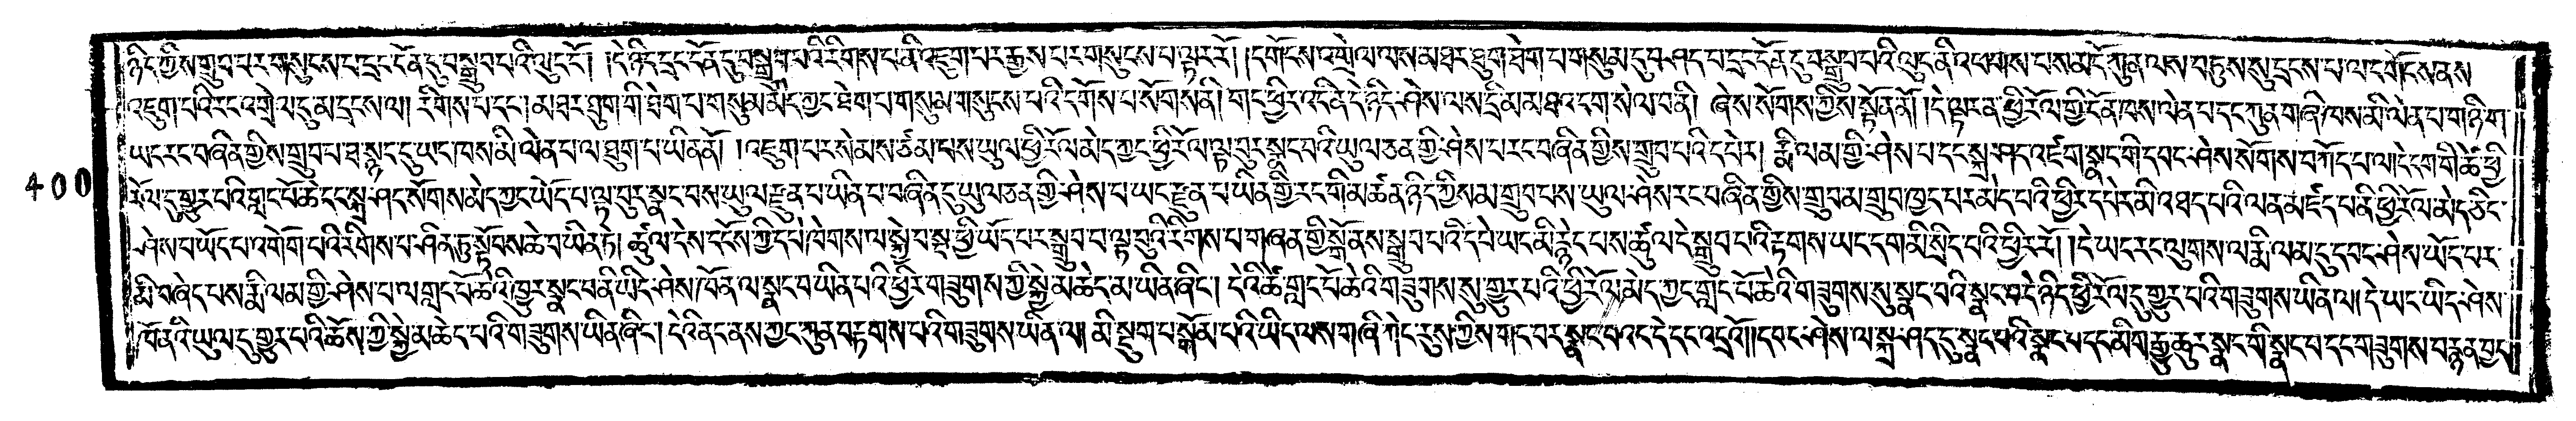ཉིད་ཀྱིས་གྲུབ་པར་གསུངས་པ་དྲང་དོན་དུ་བསྒྲུབ་པའི་ལུང་ངོ། །དེ་ཉིད་དྲང་དོན་དུ་བསྒྲུབ་པའི་རིགས་པ་ནི་འཇུག་པར་རྒྱས་པར་གསུངས་པ་ལྟར་རོ། །དགོངས་འགྲེལ་ལས་མཐར་ཐུག་ཐེག་པ་གསུམ་དུ་བཤད་པ་དྲང་དོན་དུ་བསྒྲུབ་པའི་ལུང་ནི་འཕགས་པས་མདོ་ཀུན་ལས་བཏུས་སུ་དྲངས་པ་ལ་དགོངས་ནས་
འཇུག་པའི་རང་འགྲེལ་དུ་མ་དྲངས་ལ། རིགས་པ་དང་། མཐར་ཐུག་གི་ཐེག་པ་གསུམ་མེད་ཀྱང་ཐེག་པ་གསུམ་གསུངས་པའི་དགོས་པ་སོགས་ནི། གང་ཕྱིར་འདི་ན་དེ་ཉིད་ཤེས་ལས་དྲི་མ་མཐའ་དག་སེལ་བ་ནི། ཞེས་སོགས་ཀྱིས་སྟོན་ནོ། །དེ་ལྟར་ན་ཕྱི་རོལ་གྱི་དོན་ཁས་ལེན་པ་དང་ཀུན་གཞི་ཁས་མི་ལེན་པ་གཉི་ག་
ཡང་རང་བཞིན་གྱིས་གྲུབ་པ་ཐ་སྙད་དུ་ཡང་ཁས་མི་ལེན་པ་ལ་ཐུག་པ་ཡིན་ནོ། །འཇུག་པར་སེམས་ཙམ་པས་ཡུལ་ཕྱི་རོལ་མེད་ཀྱང་ཕྱི་རོལ་ལྟ་བུར་སྣང་བའི་ཡུལ་ཅན་གྱི་ཤེས་པ་རང་བཞིན་གྱིས་གྲུབ་པའི་དཔེར། རྨི་ལམ་གྱི་ཤེས་པ་དང་སྐྲ་ཤད་འཛག་སྣང་གི་དབང་ཤེས་སོགས་བཀོད་པ་ལ། དེ་དག་གི་ཚེ་ཕྱི་
རོལ་དུ་གྱུར་པའི་གླང་པོ་ཆེ་དང་སྐྲ་ཤད་སོགས་མེད་ཀྱང་ཡོད་པ་ལྟ་བུར་སྣང་བས་ཡུལ་རྫུན་པ་ཡིན་པ་བཞིན་དུ་ཡུལ་ཅན་གྱི་ཤེས་པ་ཡང་རྫུན་པ་ཡིན་གྱི་རང་གི་མཚན་ཉིད་ཀྱིས་མ་གྲུབ་པས་ཡུལ་ཤེས་རང་བཞིན་གྱིས་གྲུབ་མ་གྲུབ་ཁྱད་པར་མེད་པའི་ཕྱིར་དཔེར་མི་འཐད་པའི་ལན་མཛད་པ་ནི་ཕྱི་རོལ་མེད་ཅིང་
ཤེས་པ་ཡོད་པ་འགོག་པའི་རིགས་པ་ཤིན་ཏུ་སྟོབས་ཆེ་བ་ཡིན་ཏེ། ཚུལ་དེས་དངོས་ཀྱི་དཔེ་ཁེགས་ལ་སྐྱེ་བ་སྔ་ཕྱི་ཡོད་པར་སྒྲུབ་བ་ལྟ་བུའི་རིགས་པ་གཞན་གྱི་སྒོ་ནས་སྒྲུབ་པའི་དཔེ་ཡང་མི་རྙེད་པས་ཚུལ་དེ་སྒྲུབ་པའི་རྟགས་ཡང་དག་མི་སྲིད་པའི་ཕྱིར་རོ། །དེ་ཡང་རང་ལུགས་ལ་རྨི་ལམ་དུ་དབང་ཤེས་ཡོད་པར་
མི་བཞེད་པས་རྨི་ལམ་གྱི་ཤེས་པ་ལ་གླང་པོ་ཆེའི་ཁྱུར་སྣང་བ་ནི་ཡིད་ཤེས་ཁོ་ན་ལ་སྣང་བ་ཡིན་པའི་ཕྱིར་གཟུགས་ཀྱི་སྐྱེ་མཆེད་མ་ཡིན་ཞིང་། དེའི་ཚེ་གླང་པོ་ཆེའི་གཟུགས་སུ་གྱུར་པའི་ཕྱི་རོལ་མེད་ཀྱང་གླང་པོ་ཆེའི་གཟུགས་སུ་སྣང་བའི་སྣང་བ་དེ་ཉིད་ཕྱི་རོལ་དུ་གྱུར་པའི་གཟུགས་ཡིན་ལ། དེ་ཡང་ཡིད་ཤེས་
ཁོ་ནའི་ཡུལ་དུ་གྱུར་པའི་ཆོས་ཀྱི་སྐྱེ་མཆེད་པའི་གཟུགས་ཡིན་ཞིང་། དེའི་ནང་ནས་ཀྱང་ཀུན་བརྟགས་པའི་གཟུགས་ཡིན་ལ། མི་སྡུག་པ་སྒོམ་པའི་ཡིད་ལས་གཞི་ཀེང་རུས་ཀྱིས་གནག་བར་སྣང་པའང་དེ་དང་འདྲའོ། །དང་ང་ཤེས་ལ་སྐྲ་ཤད་དུ་སྣང་བའི་སྣང་བ་དང་མིག་རྒྱུ་ཆུར་སྣང་གི་སྣང་བ་དང་གཟུགས་བརྙན་བྱད་